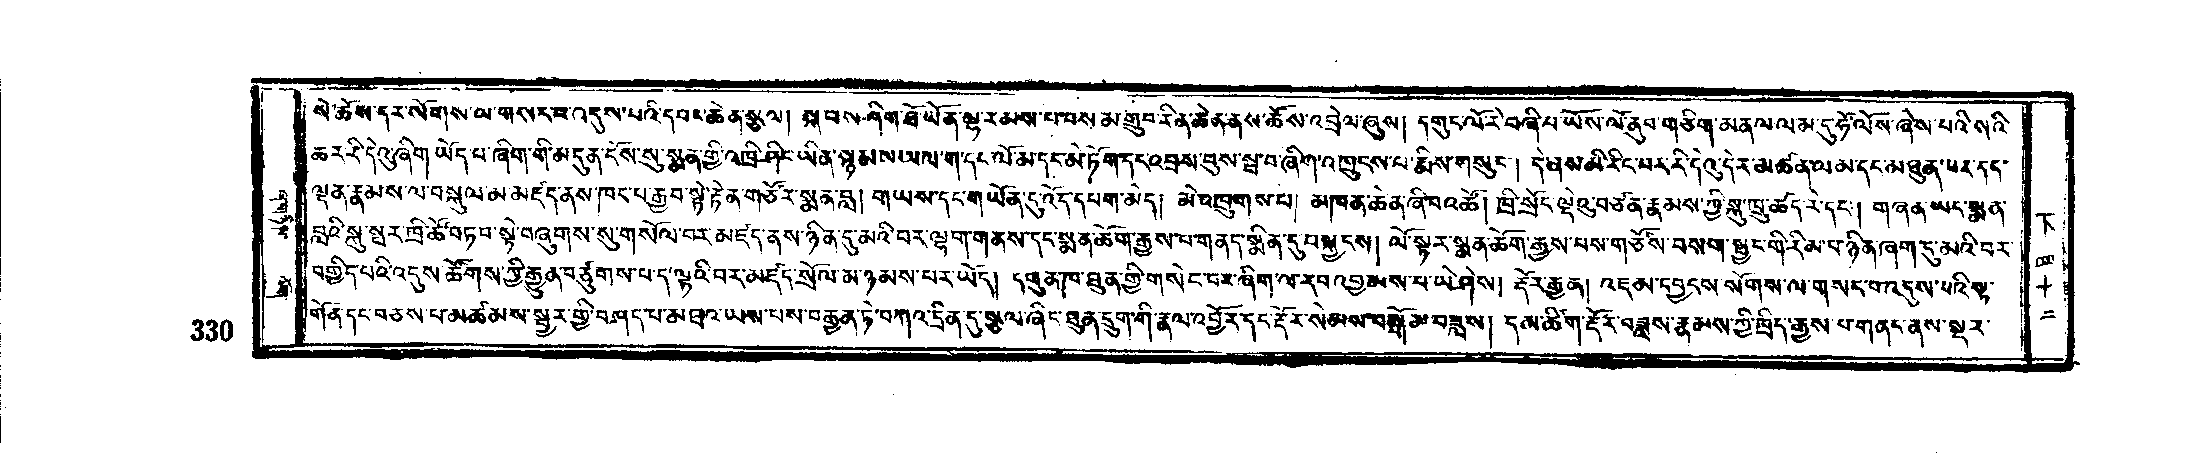སེ་ཆོས་དར་སོགས་ལ་གསང?་བ་འདུས་པའི་དབང་ཆེན་སྩལ། སྐབས་ཤིག་ཐོ་ཡོན་ལྷ་རམས?་པ་བསམ་གྲུབ་རིན་ཆེན་ནས་ཆོས་འབྲེལ་ཞུས། དགུང་ལོ་རེ་བཞི་པ་ཡོས་ལོ་ནུབ་གཅིག་མནལ་ལམ་དུ་ཧོ་ལོས་ཞེས་པའི་སའི་
ཆར་རི་དེའུ་ཞིག་ཡོད་པ་ཞིག་གི་མདུན་ངོས་སུ་སྨན་གྱི་འཁྲི་ཤིང་ཡིན་སྙམས་ཡལ་ག་དང་ལོ་མ་དང་མེ་ཏོག་དང་འབྲས་བུས་སྦ་བ་ཞིག་འཁྲུངས་པ་རྨིས་གསུང་། དེ་ནས་མི་རིང་པར་རི་དེའུ་དེར་མཚན་ལམ་དང་མཐུན་པར་དང?
ལྡན་རྣམས་ལ་བསྐུལ་མ་མཛད་ནས་ཁང་པ་རྒྱབ་སྟེ་རྟེན་གཙོར་སྨན་བླ། གཡས་དང་གཡོན་དུ་འོད་དཔག་མེད། མེ་འཁྲུགས་པ། མཁན་ཆེན་ཞི་བ་འཚོ། ཁྲི་སྲོང་ལྡེའུ་བཙན་རྣམས་ཀྱི་སྐུ་ཁྲུ་ཚད་རེ་དང་། གཞན་ཡང་སྨན་
བླའི་སྐུ་སྤར་ཁྲི་ཚོ་བཏབ་སྟེ་བཞུགས་སུ་གསོལ་བར་མཛད་ནས་ཉིན་དུ་མའི་བར་ལྷག་གནས་དང་སྨན་ཆོག་རྒྱས་པ་གནད་སྨིན་དུ་བསྐྱངས། ལོ་སྟར་སྨན་ཆོག་རྒྱས་པས་གཙོས་བསག་སྦྱང་གི་རིམ་པ་ཉིན་ཞག་དུ་མའི་བར་
བགྱིད་པའི་འདུས་ཚོགས་ཀྱི་རྒྱུན་བཙུགས་པ་ད་ལྟའི་བར་མཛད་སྲོལ་མ་ཉམས་པར་ཡོད། དགུན་ཁ་ཐུན་གྱི་གསེང་བར་ཞིག་ལ་རབ་འབྱམས་པ་ཡེ་ཤེས། རྡོར་རྒྱན། འཇམ་དབྱངས་སོགས་ལ་གསང་བ་འདུས་པའི་སྟ་
གོན་དང་བཅས་པ་མཚམས་སྦྱར་གྱི་བཤད་པ་མཐའ་ཡས་པས་བརྒྱན་ཏེ་བཀའ་དྲིན་དུ་སྩལ་ཞིང་ཐུན་དྲུག་གི་རྣལ་འབྱོར་དང་རྡོར་སེམས་བསྒོམ་བཟླས། དམ་ཚིག་རྡོར་བཟླས་རྣམས་ཀྱི་ཁྲིད་རྒྱས་པ་གནང་ནས་སྔར་